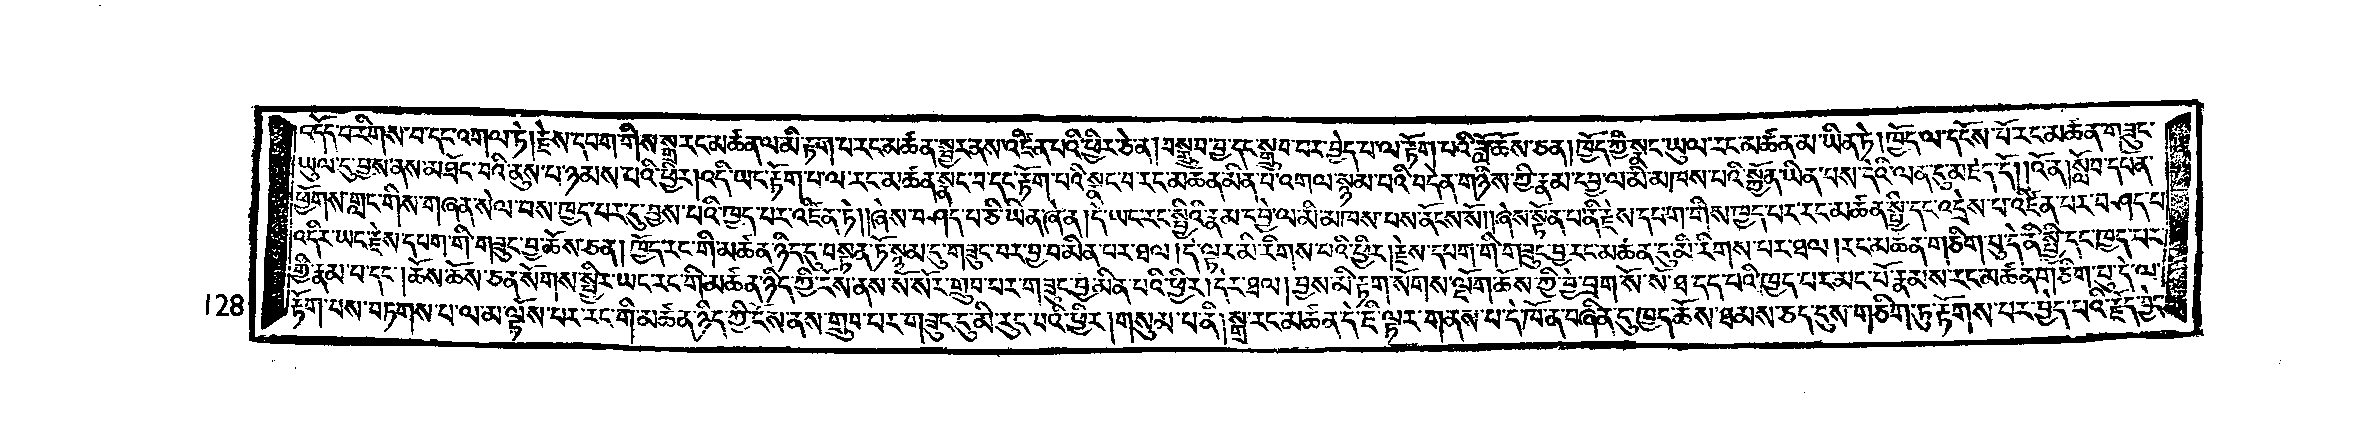འདོད་པ་རིགས་པ་དང་འགལ་ཏེ། རྗེས་དཔག་གིས་སྒྲ་རང་མཚན་ལ་མི་རྟག་པ་རང་མཚན་སྦྱར་ནས་འཛིན་པའི་ཕྱིར་ཅེ་ན། བསྒྲུབ་བྱ་དང་སྒྲུབ་པར་བྱེད་པ་ལ་རྟོག་པའི་བློ་ཆོས་ཅན། ཁྱོད་ཀྱི་སྣང་ཡུལ་རང་མཚན་མ་ཡིན་ཏེ། ཁྱོད་ལ་དངོས་པོ་རང་མཚན་གཟུང་
ཡུལ་དུ་བྱས་ནས་མཐོང་བའི་ནུས་པ་ཉམས་པའི་ཕྱིར། འདི་ཡང་རྟོག་པ་ལ་རང་མཚན་སྣང་བ་དང་རྟོག་པའི་སྣང་བ་རང་མཚན་མིན་པ་འགལ་སྙམ་པའི་བདེན་གཉིས་ཀྱི་རྣམ་དབྱེ་ལ་མི་མཁས་པའི་སྐྱོན་ཡིན་པས་དེའི་ལན་དུ་མཇད་དོ། །འོ་ན། སློབ་དཔོན་
ཕྱོགས་གླང་གིས་གཞན་སེལ་བས་ཁྱད་པར་དུ་བྱས་པའི་ཁྱད་པར་འཛིན་ཏེ། །ཞེས་བཤད་པ་ཅི་ཡིན་ཞེ་ན། དེ་ཡང་རང་སྤྱིའི་རྣམ་དབྱེ་ལ་མི་མཁས་པས་ནོངས་སོ། །ཞེས་སྟོན་པ་ནི་རྗེས་དཔག་གིས་ཁྱད་པར་རང་མཚན་སྤྱི་དང་འདྲེས་པ་འཛིན་པར་བཤད་པ་
འདིར་ཡང་རྗེས་དཔག་གི་གཟུང་བྱ་ཆོས་ཅན། ཁྱོད་རང་གི་མཚན་ཉིད་དུ་བསྟན་ཏོ་སྙམ་དུ་གཟུང་བར་བྱ་བ་མིན་པར་ཐལ། དེ་ལྟར་མི་རིགས་པའི་ཕྱིར། རྗེས་དཔག་གི་གཟུང་བྱ་རང་མཚན་དུ་མི་རིགས་པར་ཐལ། རང་མཚན་གཅིག་བུ་དེ་ནི་སྤྱི་དང་ཁྱད་པར་
གྱི་རྣམ་པ་དང་། ཆོས་ཆོས་ཅན་སོགས་སྤྱིར་ཡང་རང་གི་མཚན་ཉིད་ཀྱི་ངོས་ནས་སོ་སོར་གྲུབ་པར་གཟུང་བྱེ་མིན་པའི་ཕྱིར། དེར་ཐལ། བྱས་མི་རྟག་སོགས་ལྡོག་ཆོས་ཀྱི་བྱེ་ཟག་སོ་སོ་ཐ་དད་པའི་ཁྱད་པར་མང་པོ་རྣམས་རང་མཚན་གཅིག་པུ་དེ་ལ་
རྟོག་པས་བཏགས་པ་ལ་མ་ལྟོས་པར་རང་གི་མཚན་ཉིད་ཀྱི་ངོས་ནས་གྲུབ་པར་གཟུང་དུ་མི་རུང་པའི་ཕྱིར། གསུམ་པ་ནི། སྒྲ་རང་མཚན་དེ་ཇི་ལྟར་གནས་པ་དེ་ཁོ་ན་བཞིན་དུ་ཁྱད་ཆོས་ཐམས་ཅད་དུས་གཅིག་ཏུ་རྟོགས་པར་བྱེད་པའི་རྗོད་བྱེད་